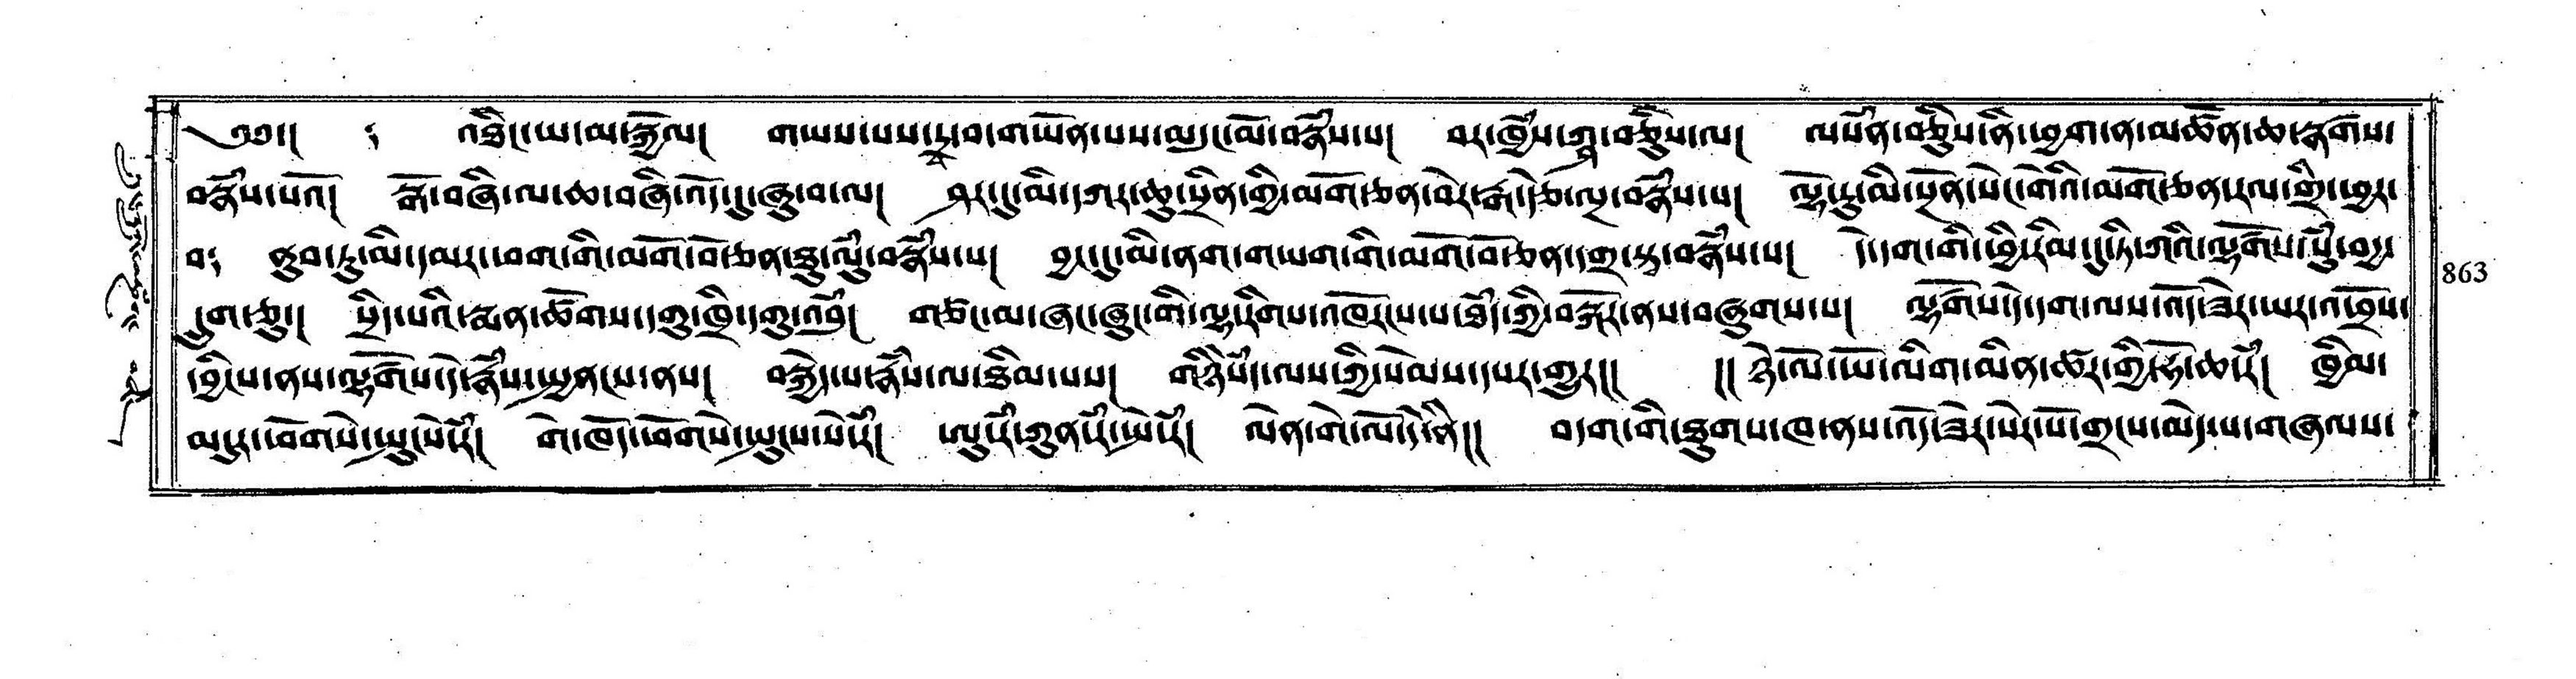འཐིང་ཡ་མ་སྐྱོལ། གཡས་པས་དྲྭ་བ་གཡོན་པས་མདུང་མོ་བསྣམས་པ། བར་ཁྱམས་ཀྴ་བཅུ་གཉིས་ལ། ལས་མཁན་བཅུ་གཉིས་ནི་ཕྱག་ན་མཚོན་ཆ་སྣ་ཚོགས་
བསྣམས་པའོ། སྒོ་བཞི་ལ་ཆ་བཞི་འོད་དུ་ཞུ་བ་ལ། ཤར་དུ་མི་དཀར་ཆུ་སྲིན་གྱི་མགོ་ཅན་བེར་རྒ་རྩེ་ལྔ་བསྣམས་པ། ལྷོ་རུ་མི་སྔོན་སེང་གེའི་མགོ་ཅན་རལ་གྲི་ཕྱར་
བ། ནུབ་ཏུ་མི་དམར་ཕག་གི་མགོ་བོ་ཅན་ཐུ་ལུམ་བསྣམས་པ། བྱང་དུ་མི་ནག་གཡག་གི་མགོ་བོ་ཅན་དགྲ་སྟྭ་བསྣམས་པ། དེ་དག་གི་ཕྱི་རིམ་དུ་ཏི་ཀའི་ལྷ་ཚོགས་སུ་བརྒྱ་
དྲུག་ཅུ། སྲིད་པའི་སྨན་ཚོགས་དགུ་ཁྲི་དགུ་འབུམ། གཙང་མ་ཞང་ཞུང་གི་ལྷ་རིགས་འཁོར་དང་བཅས་པ་ཐམས་ཅད་ཀྱི་བསྐོར་ནས་བཞུགས་པ། ལྷ་ཚོགས་དེ་དག་ལས་འོད་ཟེར་ཡར་འཕྲོས་
དབྱིངས་ནས་ལྷ་ཚོགས་དེ་རྣམས་སྤྱན་དྲངས་ནས། བསྐྱེད་པ་རྣམས་ལ་ཐིམ་པས། གཉིས་མེད་ལས་ཀྱི་སེམས་དཔར་གྱུར།། །།ཉེ་ལོ་ཡོ་ལིག་མིན་ཚར་གྱི་ཧོ་ཆ་རཾ། ཁྱིམ་
མདུར་ཕོགསེ་སྤུངསེ་རཾ། གེ་ཁོད་ཕོགསེ་སྤུངསེ་རཾ། ཨུ་རཾ་ཀུན་རཾ་སྤེ་རཾ། ལེན་གེ་ལོ་དེ་ནི།། བདག་གི་ཐུགས་ཁ་ནས་འོད་ཟེར་སེར་པོ་གྲངས་མེད་པ་གཞལ་ཡས་